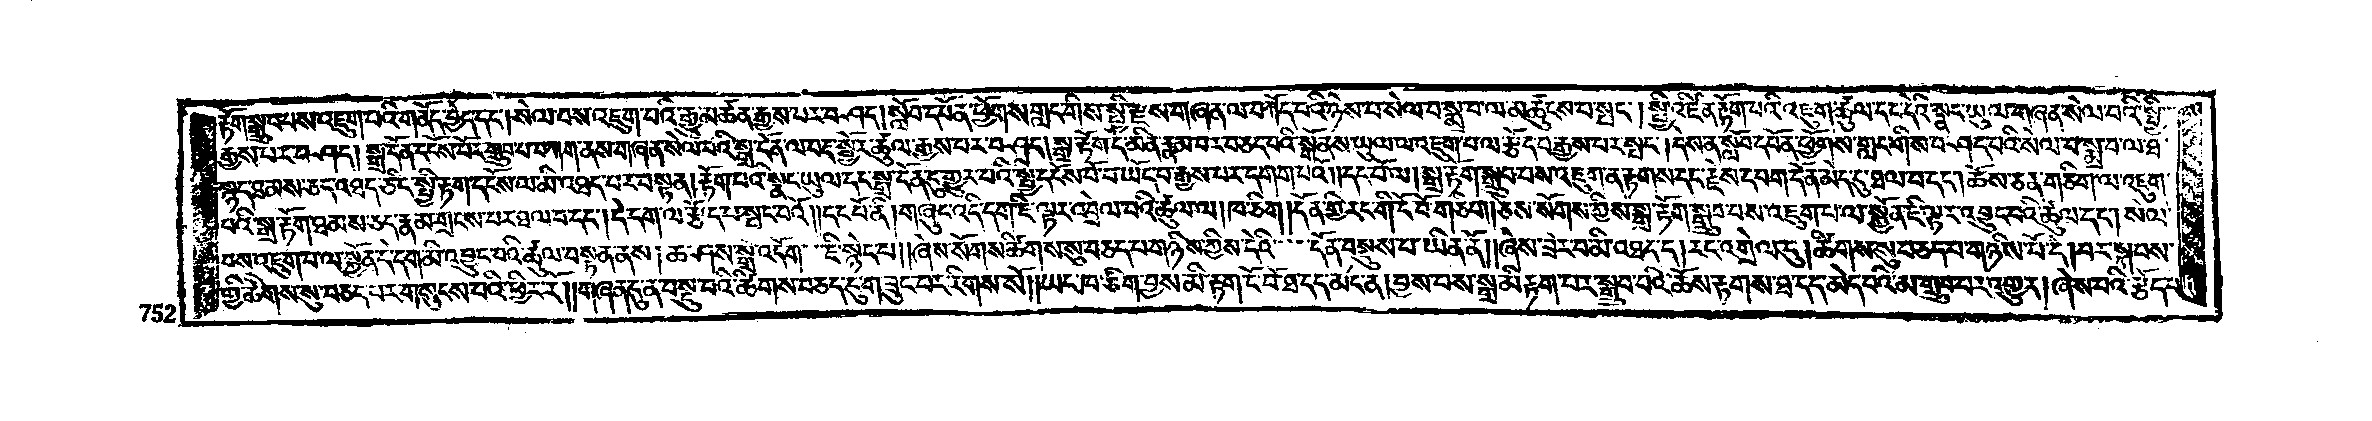རྟོག་སྒྲུབ་པས་འཇུག་པའི་གནོད་བྱེད་དང་། སེལ་བས་འཇུག་པའི་རྒྱུ་མཚན་རྒྱས་པར་བཤད། སློབ་དཔོན་ཕྱོགས་གླང་གིས་སྤྱི་རྫས་གཞན་ལ་བཀོད་པའི་ཉེས་པ་སེལ་བ་སྨྲ་བ་ལ་མཚུངས་པ་སྤང་། སྤྱི་འཛིན་རྟོག་པའི་འཇུག་ཚུལ་དང་དེའི་སྣང་ཡུལ་གཞན་སེལ་བའི་སྤྱི་
རྒྱས་པར་བཤད། སྒྲ་དོན་དངོས་པོར་གྲུབ་པ་བཀག་ནས་གཞན་སེལ་བའི་སྒྲ་དོན་ལ་བརྡ་སྦྱོར་ཚུལ་རྒྱས་པར་བཤད། སྒྲ་རྟོག་དེ་མིན་རྣམ་པར་བཅད་པའི་སྒོ་ནས་ཡུལ་ལ་འཇུག་པ་ལ་རྩོད་པ་རྒྱས་པར་སྤང་། དེས་ན་སློབ་དཔོན་ཕྱོགས་གླང་གིས་བཤད་པའི་སེལ་བ་སྨྲ་བ་ལ་ཐ་
སྙད་ཐམས་ཅད་འཐད་ཅིང་སྤྱི་རྟག་དངོས་ལ་མི་འཐད་པར་བསྟན། རྟོག་པའི་སྣང་ཡུལ་དང་སྒྲ་དོན་དུ་གྱུར་པའི་སྤྱི་དངོས་པོ་བ་ཡོད་པ་རྒྱས་པར་དགག་པའོ། །དང་པོ་ལ། སྒྲ་རྟོག་སྒྲུབ་པས་འཇུག་ན་རྟགས་དང་རྗེས་དཔག་དོན་མེད་དུ་ཐལ་བ་དང་། ཆོས་ཅན་གཅིག་ལ་འཇུག་
པའི་སྒྲ་རྟོག་ཐམས་ཅད་རྣམ་གྲངས་པར་ཐལ་བ་དང་། དེ་དག་ལ་རྩོད་པ་སྤང་པའོ། །དང་པོ་ནི། གཞུང་འདི་དག་ཇི་ལྟར་འབྲེལ་བའི་ཚུལ་ལ། ཁ་ཅིག །དོན་གྱི་རང་གི་ངོ་བོ་གཅིག །ཅེས་སོགས་ཀྱིས་སྒྲ་རྟོག་སྒྲུབ་པས་འཇུག་པ་ལ་སྐྱོན་ཇི་ལྟར་འབྱུང་བའི་ཚུལ་དང་། སེལ་
བས་འཇུག་པ་ལ་སྐྱོན་དེ་དག་མི་འབྱུང་བའི་ཚུལ་བསྟན་ནས། ཆ་ཤས་སྒྲ་འདོག་ཇི་སྙེད་པ། །ཞེས་སོགས་ཚིགས་སུ་བཅད་པ་གཉིས་ཀྱིས་དེའི་དོན་བསྡུས་པ་ཡིན་ནོ། །ཞེས་ཟེར་བ་མི་འཐད་དོ། རང་འགྲེལ་དུ། ཚིགས་སུ་བཅད་པ་གཉིས་པོ་དེ། བར་སྐབས་
གྱི་ཚིགས་སུ་བཅད་པར་གསུངས་པའི་ཕྱིར་རོ། །གཞན་དུ་ན་བསྡུ་བའི་ཚིགས་བཅད་དུ་གཟུང་བར་རིགས་སོ། །ཡང་ཁ་ཅིག་བྱས་མི་རྟག་ངོ་བོ་ཐ་དད་མེད་ན། བྱས་པས་སྒྲ་མི་རྟག་པར་སྒྲུབ་པའི་ཆོས་རྟགས་ཐ་དད་མེད་པའི་མ་གྲུབ་པར་འགྱུར། ཞེས་པའི་རྩོད་པ་